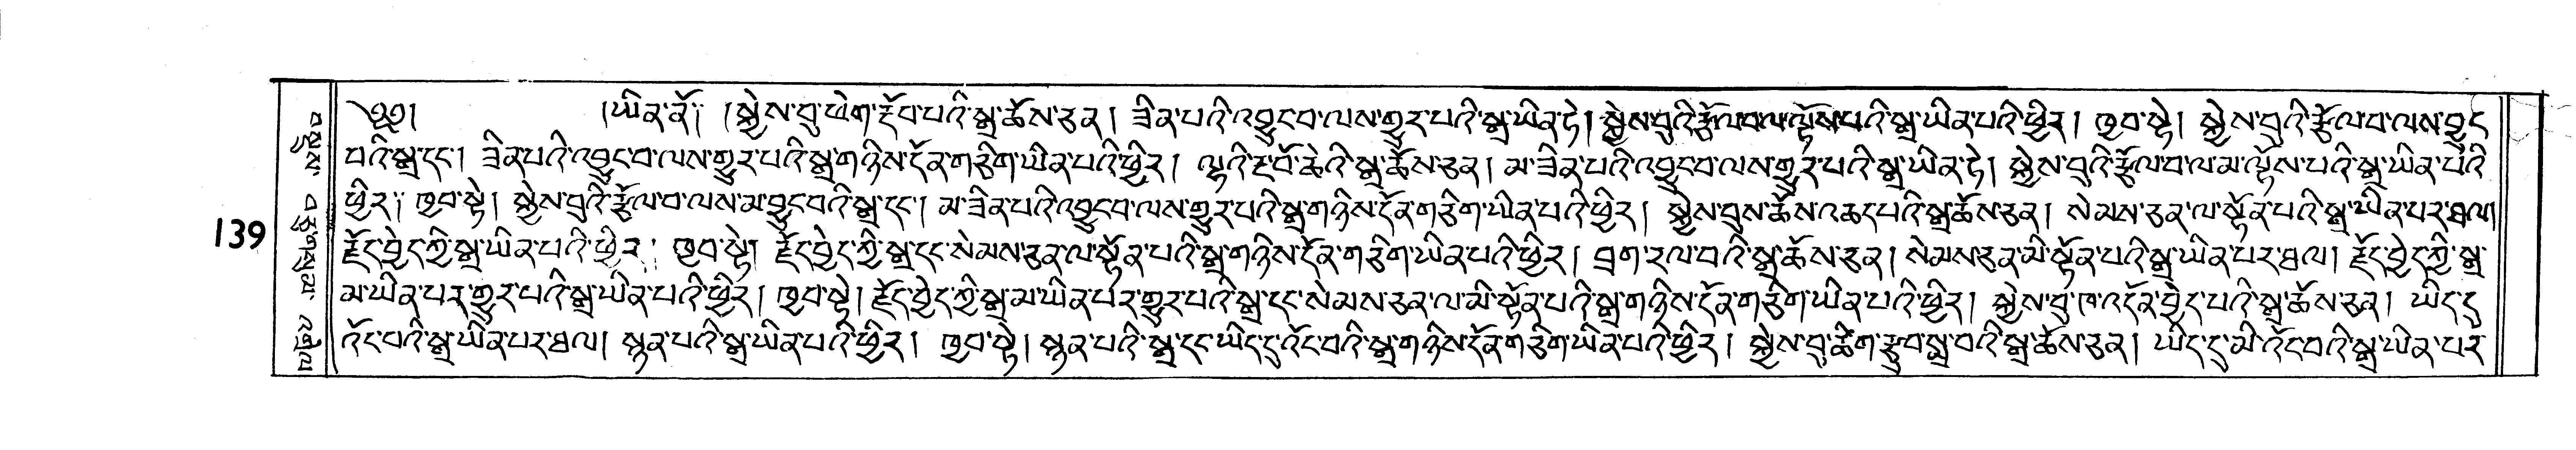༄༅། །ཡིན་ནོ༑ །སྐྱེས་བུ་ཕེག་རྡོབ་པའི་སྒྲ་ཆོས་ཅན། ཟིན་པའི་འབྱུང་བ་ལས་གྱུར་པའི་སྒྲ་ཡིན་ཏེ། སྐྱེས་བུའི་རྩོལ་བ་ལ་ལྟོས་པའི་སྒྲ་ཡིན་པའི་ཕྱིར། ཁྱབ་སྟེ། སྐྱེས་བུའི་རྩོལ་བ་ལས་བྱུང་
བའི་སྒྲ་དང་། ཟིན་པའི་འབྱུང་བ་ལས་གྱུར་པའི་སྒྲ་གཉིས་དོན་གཅིག་ཡིན་པའི་ཕྱིར། ལྷའི་རྔ་བོ་ཆེའི་སྒྲ་ཆོས་ཅན། མ་ཟིན་པའི་འབྱུང་བ་ལས་གྱུར་པའི་སྒྲ་ཡིན་ཏེ། སྐྱེས་བུའི་རྩོལ་བ་ལ་མ་ལྟོས་པའི་སྒྲ་ཡིན་པའི་
ཕྱིར༑ ཁྱབ་སྟེ། སྐྱེས་བུའི་རྩོལ་བ་ལས་མ་བྱུང་བའི་སྒྲ་དང་། མ་ཟིན་པའི་འབྱུང་བ་ལས་གྱུར་པའི་སྒྲ་གཉིས་དོན་གཅིག་ཡིན་པའི་ཕྱིར། སྐྱེས་བུས་ཆོས་འཆད་པའི་སྒྲ་ཆོས་ཅན། སེམས་ཅན་ལ་སྟོན་པའི་སྒྲ་ཡིན་པར་ཐལ།
རྗོད་བྱེད་ཀྱི་སྒྲ་ཡིན་པའི་ཕྱིར། ཁྱབ་སྟེ། རྗོད་བྱེད་ཀྱིས་སྒྲ་དང་སེམས་ཅན་ལ་སྟོན་པའི་སྒྲ་གཉིས་དོན་གཅིག་ཡིན་པའི་ཕྱིར། བྲག་རལ་བའི་སྒྲ་ཆོས་ཅན། སེམས་ཅན་མི་སྟོན་པའི་སྒྲ་ཡིན་པར་ཐལ། རྗོད་བྱེད་ཀྱི་སྒྲ་
མ་ཡིན་པར་གྱུར་པའི་སྒྲ་ཡིན་པའི་ཕྱིར། ཁྱབ་སྟེ། རྗོད་བྱེད་ཀྱི་སྒྲ་མ་ཡིན་པར་གྱུར་པའི་སྒྲ་དང་སེམས་ཅན་ལ་མི་སྟོན་པའི་སྒྲ་གཉིས་དོན་གཅིག་ཡིན་པའི་ཕྱིར། སྐྱེས་བུ་ཁ་འདོན་བྱེད་པའི་སྒྲ་ཆོས་ཅན། ཡིད་དུ་
འོང་བའི་སྒྲ་ཡིན་པར་ཐལ། སྙན་པའི་སྒྲ་ཡིན་པའི་ཕྱིར། ཁྱབ་སྟེ། སྙན་པའི་སྒྲ་དང་ཡིད་དུ་འོང་བའི་སྒྲ་གཉིས་དོན་གཅིག་ཡིན་པའི་ཕྱིར། སྐྱེས་བུ་ཚིག་རྩུབ་སྨྲ་བའི་སྒྲ་ཆོས་ཅན། ཡིད་དུ་མི་འོང་བའི་སྒྲ་ཡིན་པར་